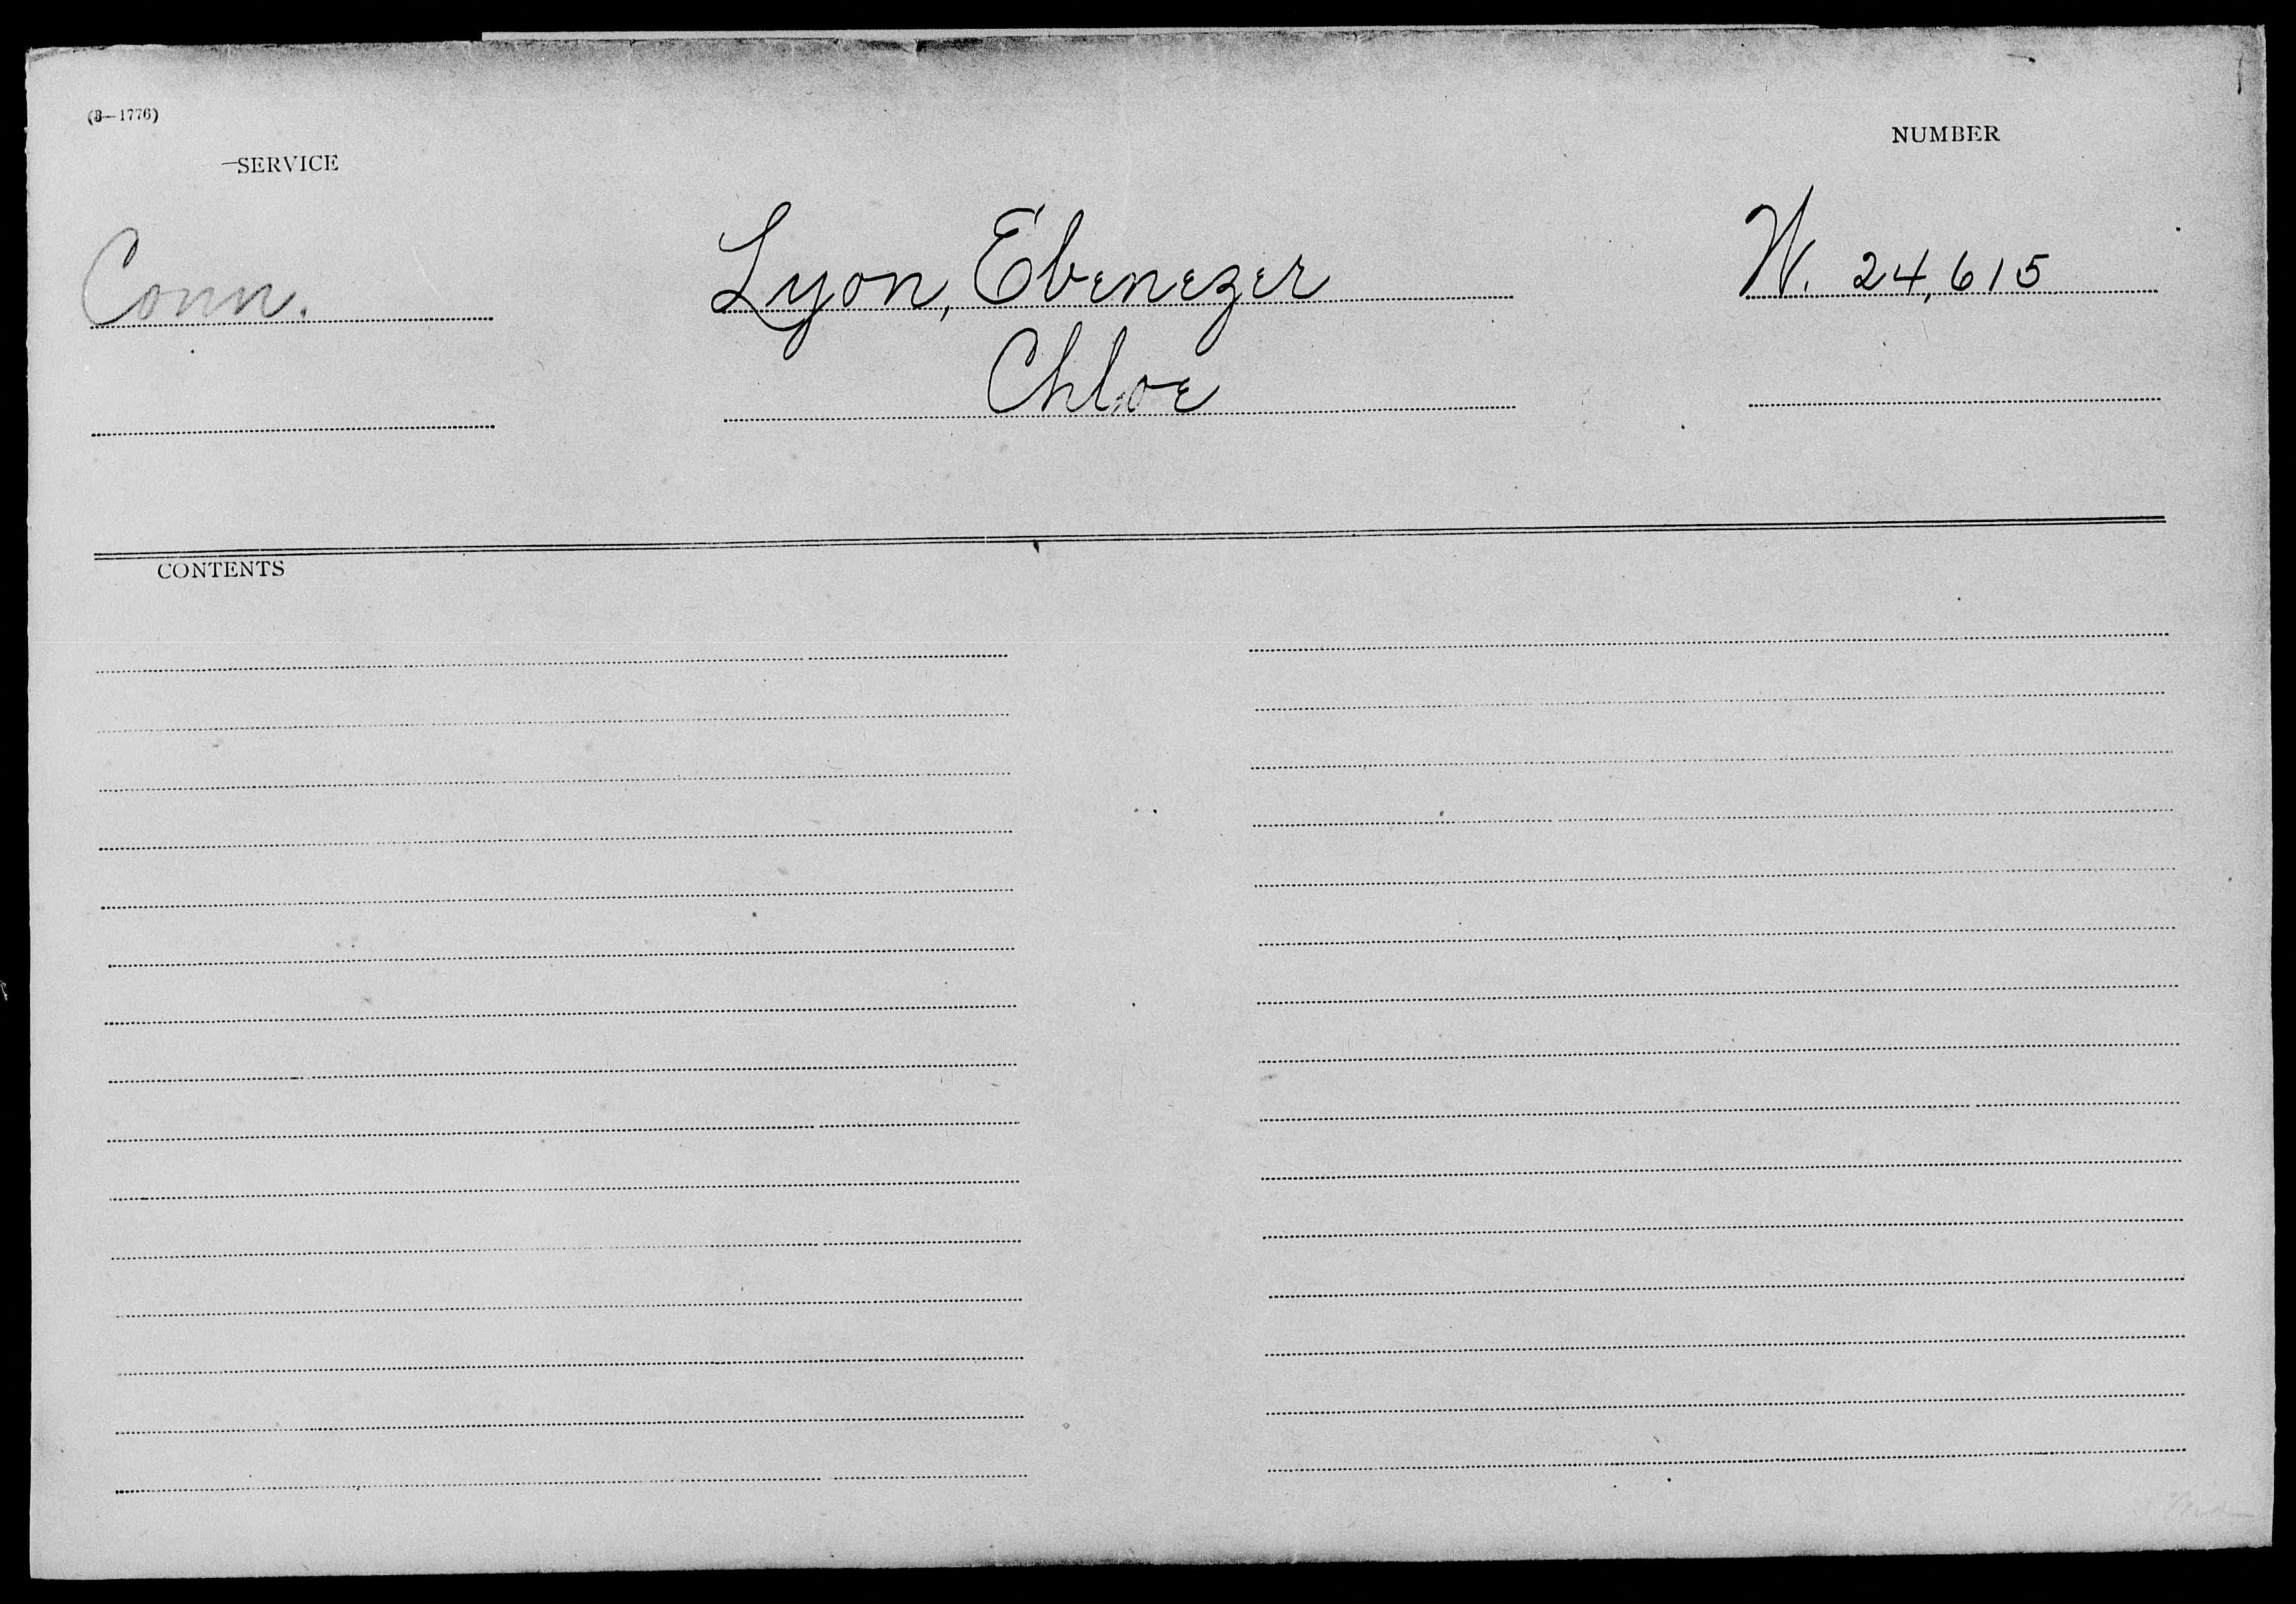(3-1776)
SERVICE
Conn.
Lyon, Ebenezer
Chloe
NUMBER
W. 24,615
CONTENTS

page: 1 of 40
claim: widow's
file: W. 24,615, for Ebenezer Lyon, Connecticut